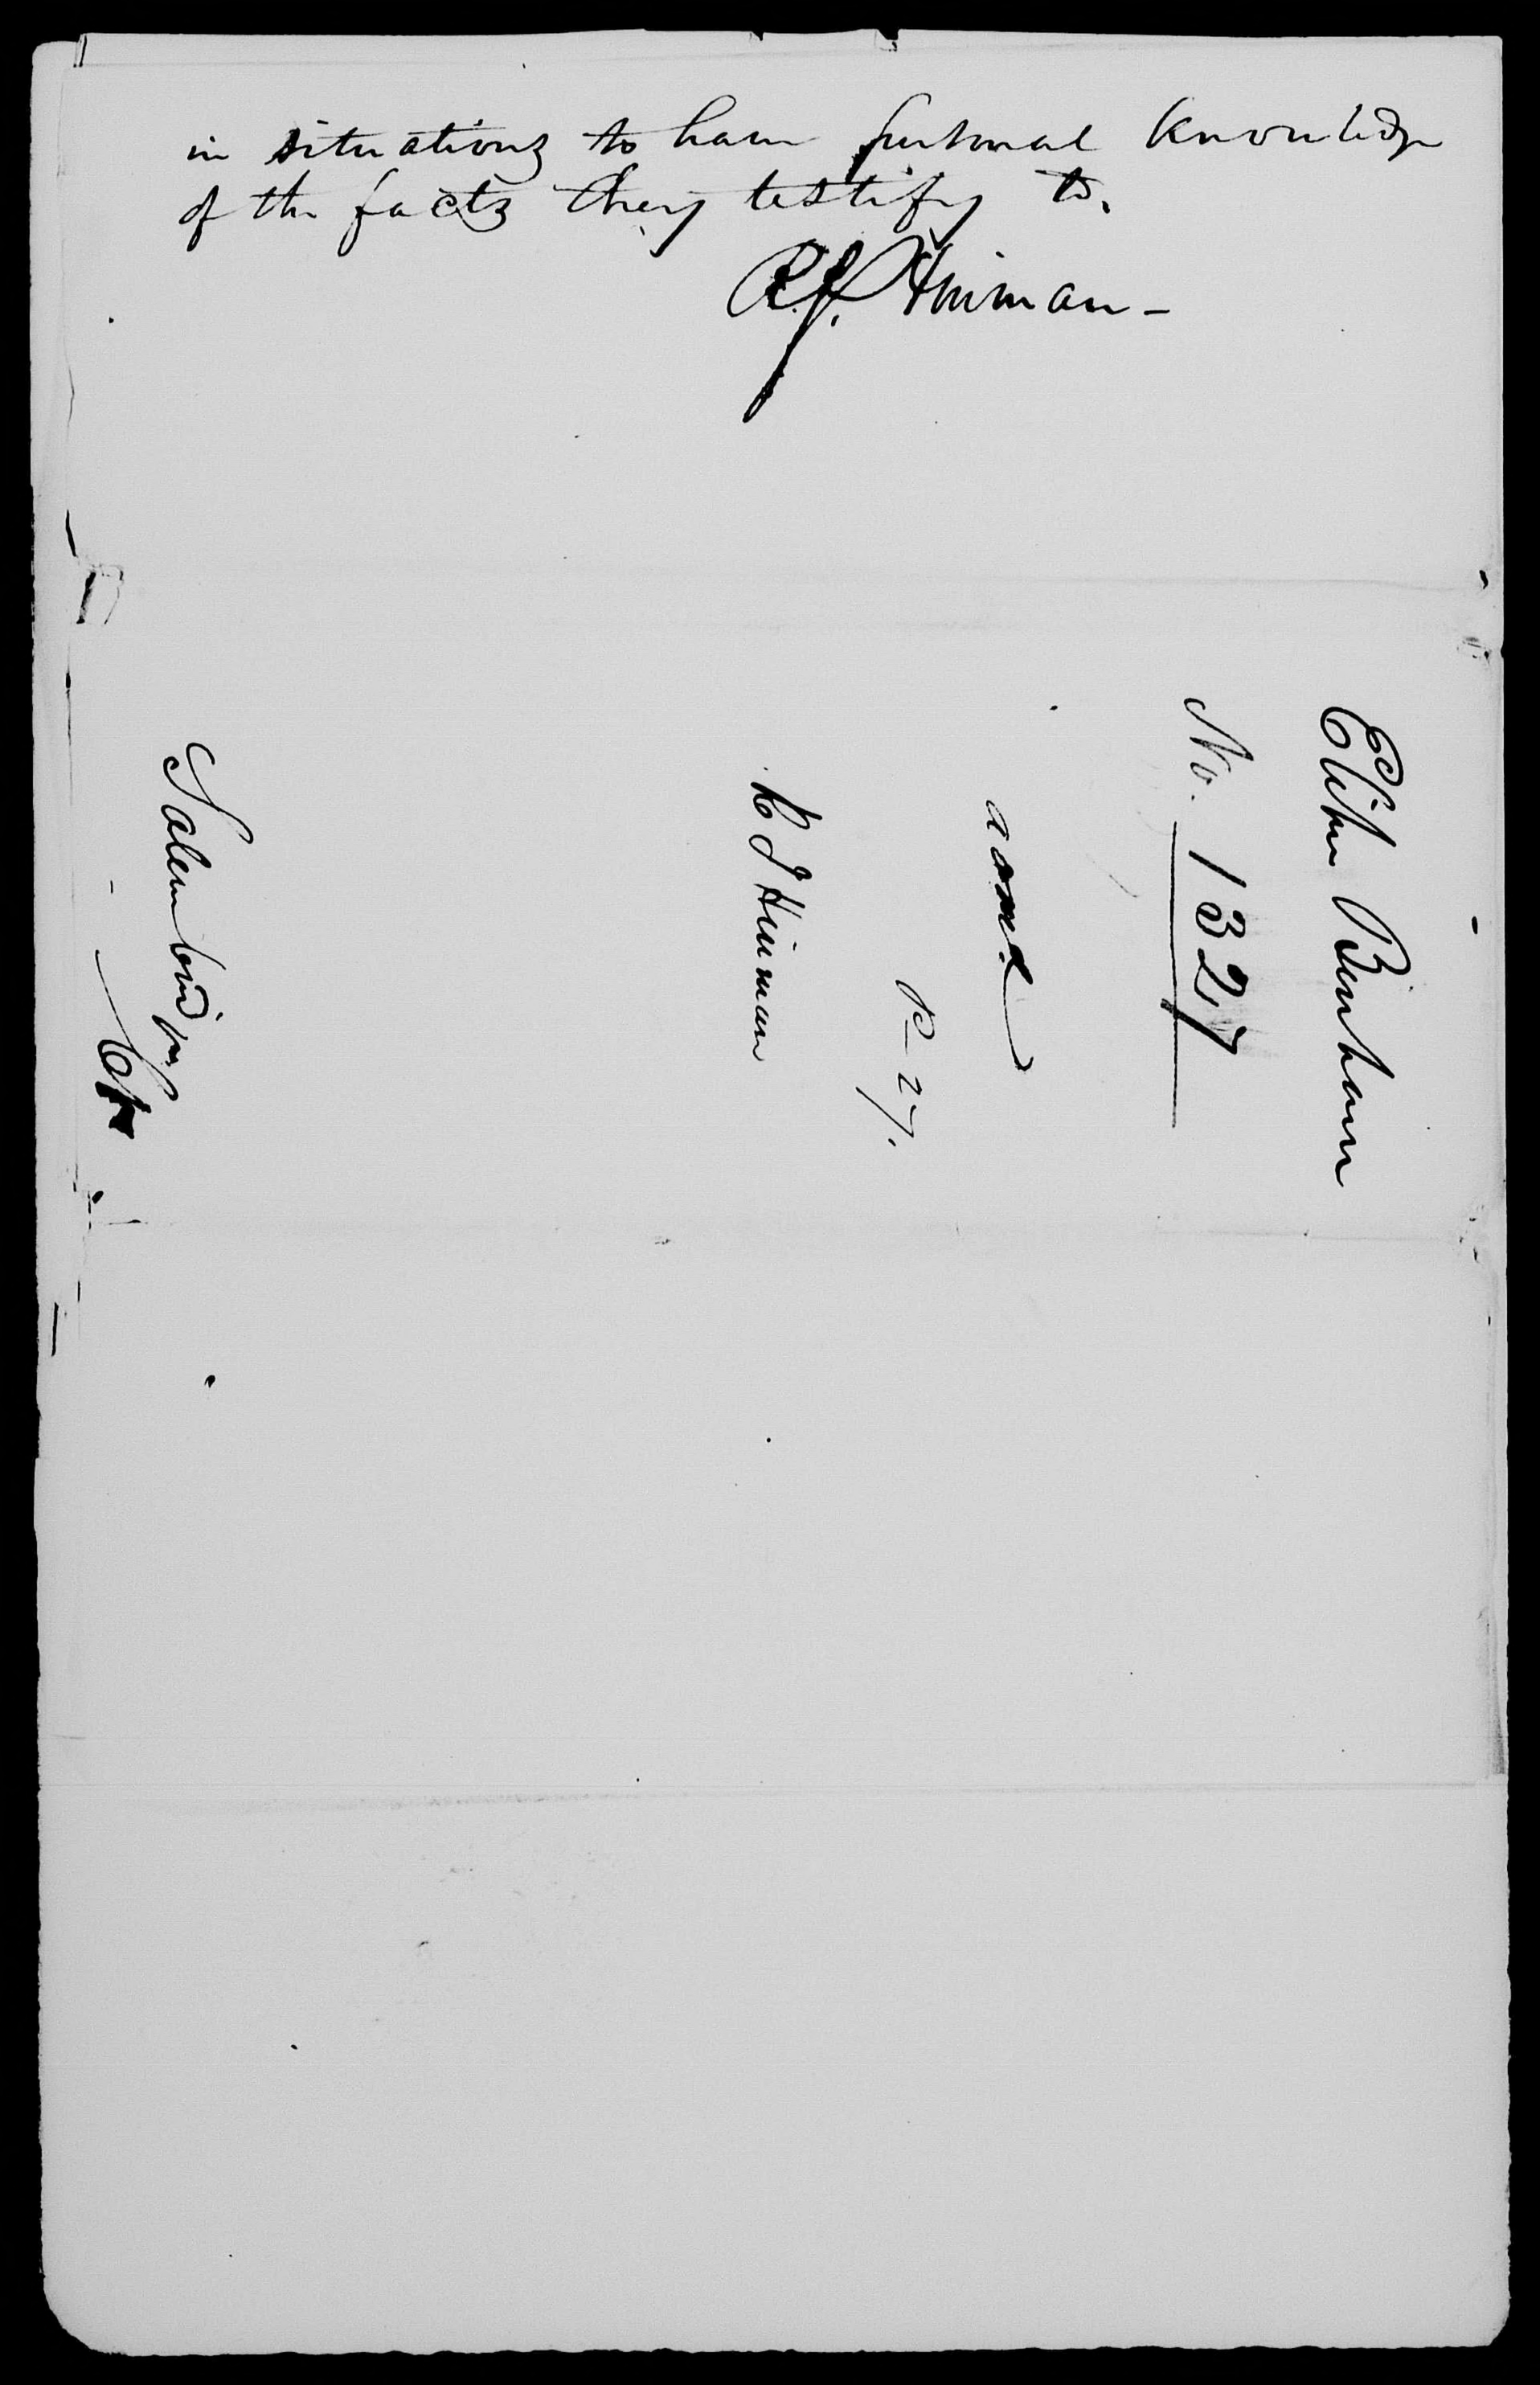in situations to have personal knowledge of the facts they testify to.
 RS Hinman |

Elihu Benham
No. 1327
aamd.
p 27.
RS Hinman

Salembridge Ct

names: R S Hinman, Elihu Benham, R S Hinman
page: 24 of 45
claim: survivor's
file: S. 15748, Elihu Benham, Conn.